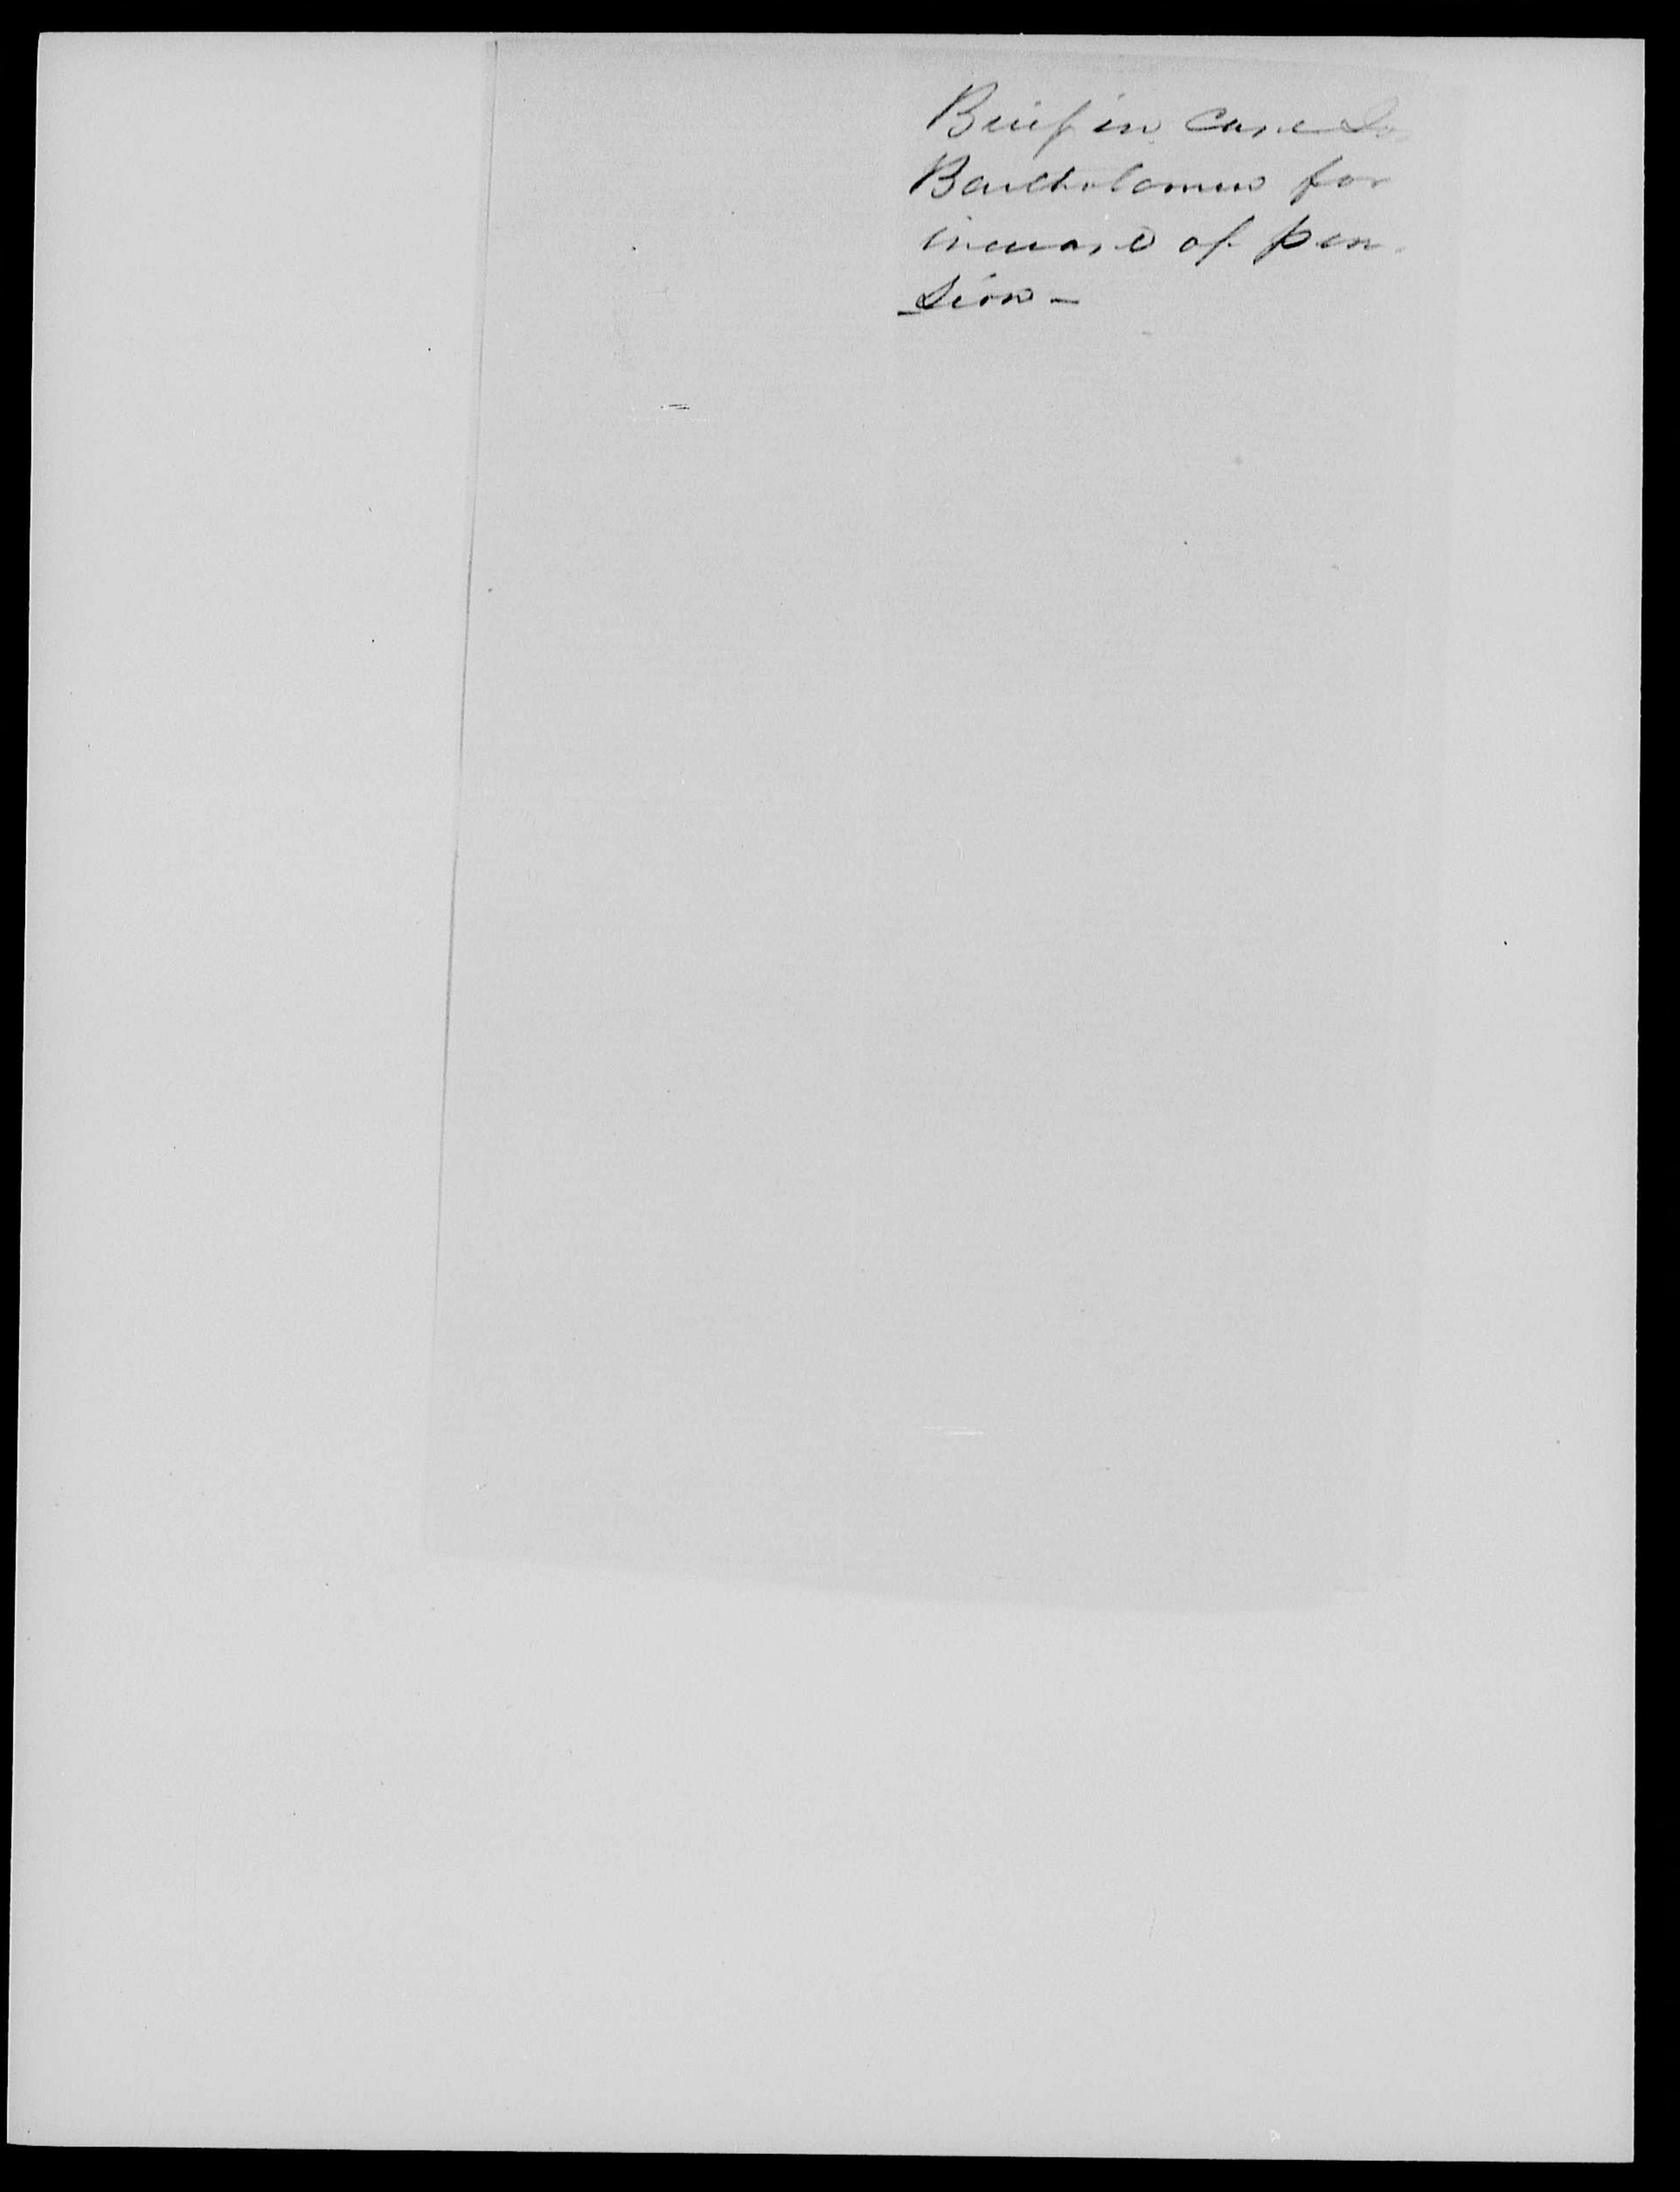Brief in case Jos.
Batholomew for
increase of pension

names: Bartholomew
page: 39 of 76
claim: widow's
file: W. 9345, Joseph Bartholomew, Conn.